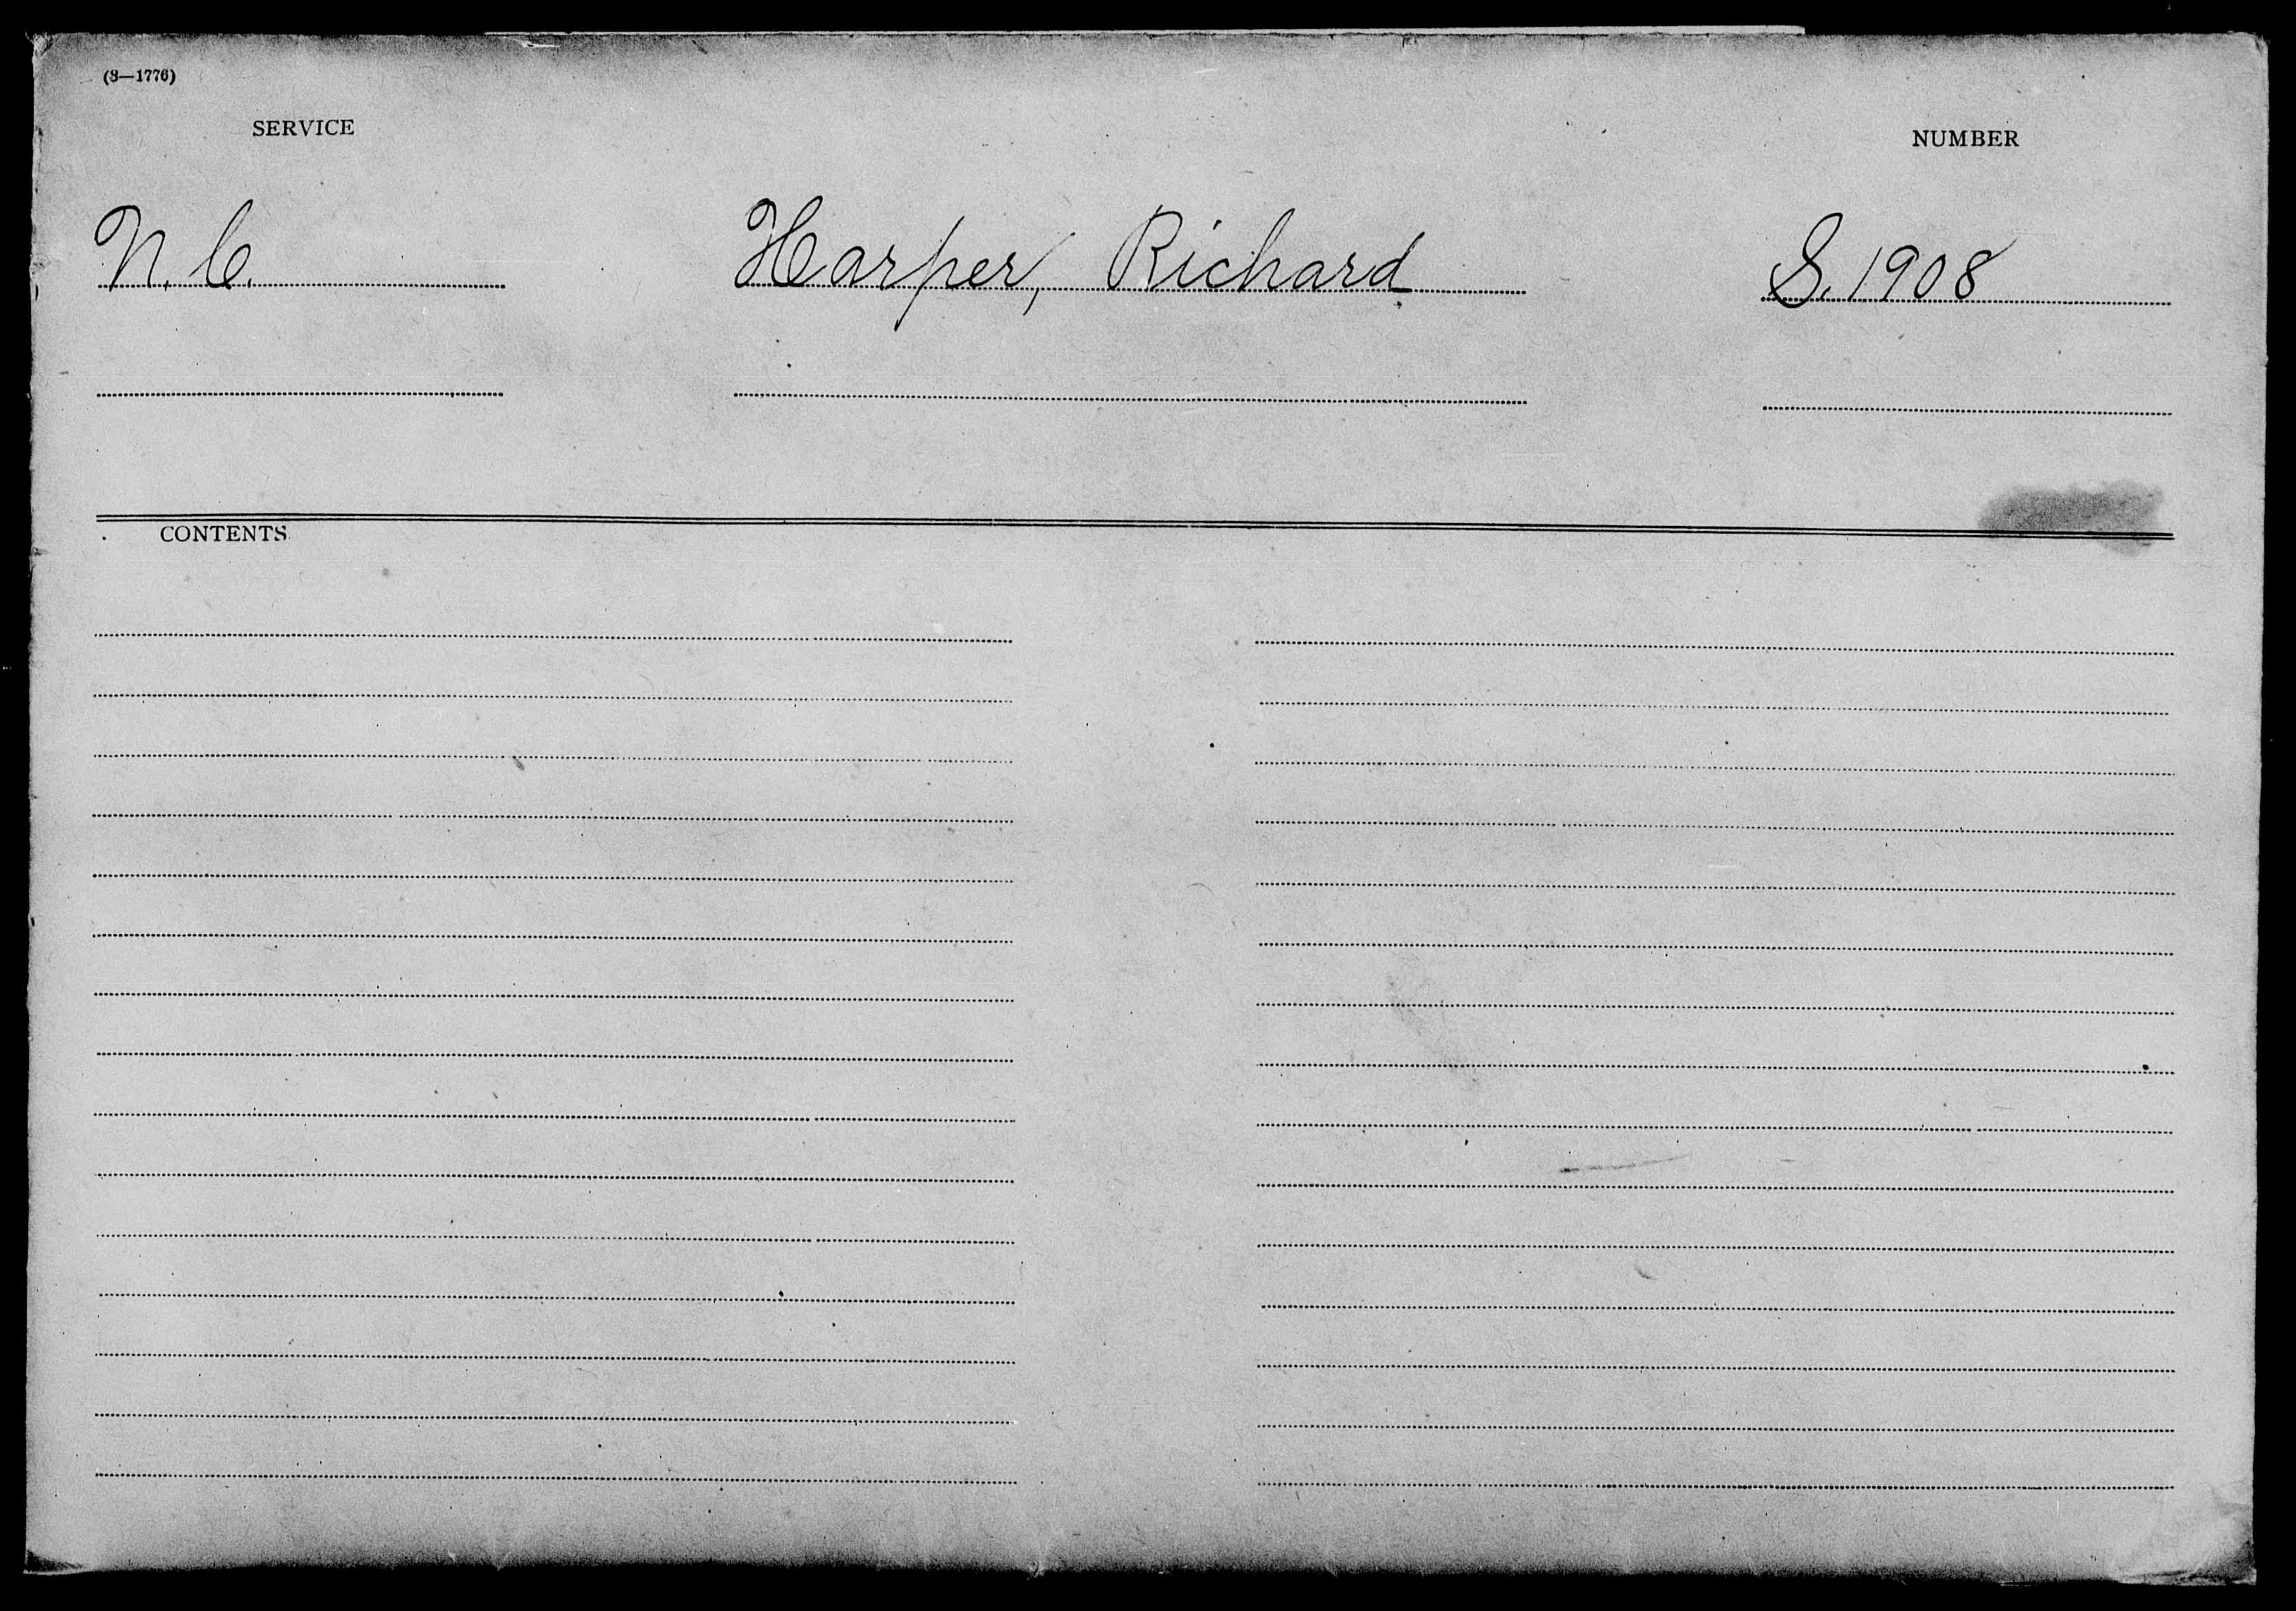SERVICE                                                 NUMBER

N.C.                Harper, Richard                   S. 1908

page: 1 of 81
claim: survivor's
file: S. 1908, Richard Harper, N.C.